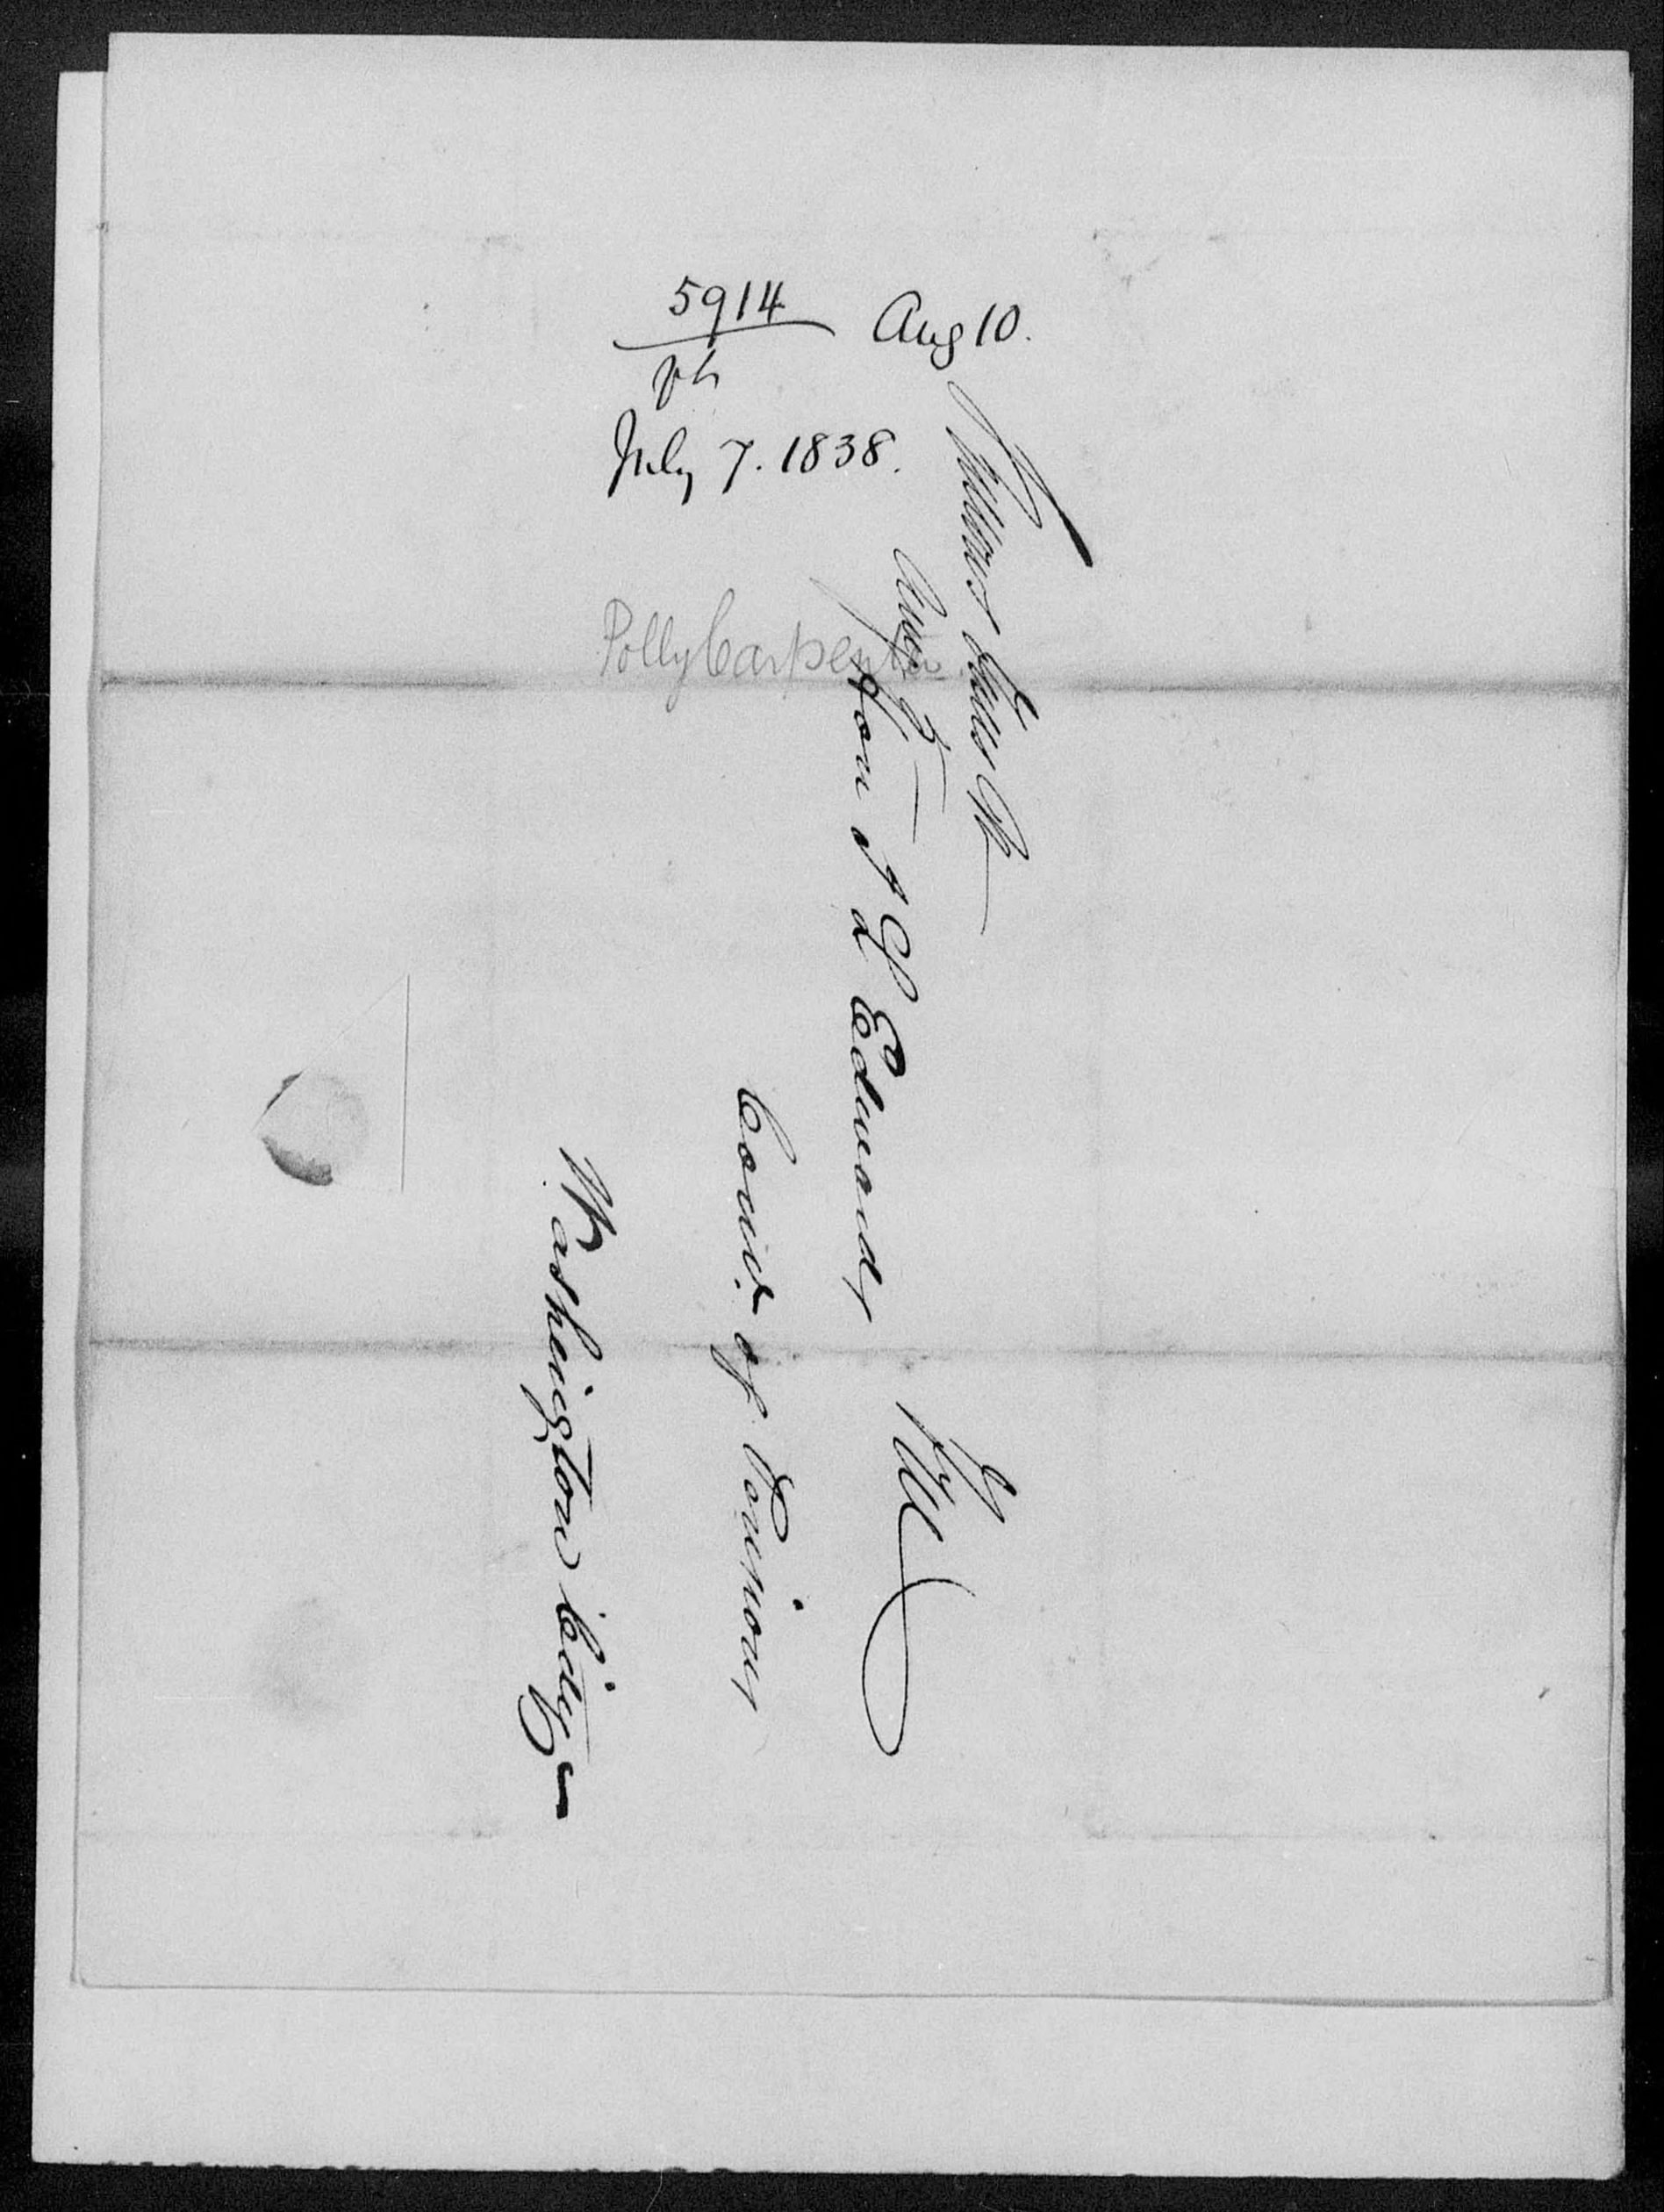[addressed envelope]
Bellows Falls Vt
Aug 5 - 

Free

Hon J L Edwards
Com'r of Pensions
Washington City - 

[annotated: Aug 10. 5914/Vt July 7. 1838.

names: J L Edwards, Polly Carpenter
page: 32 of 41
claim: widow's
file: W. 15627, Timothy Carpenter, Vt.